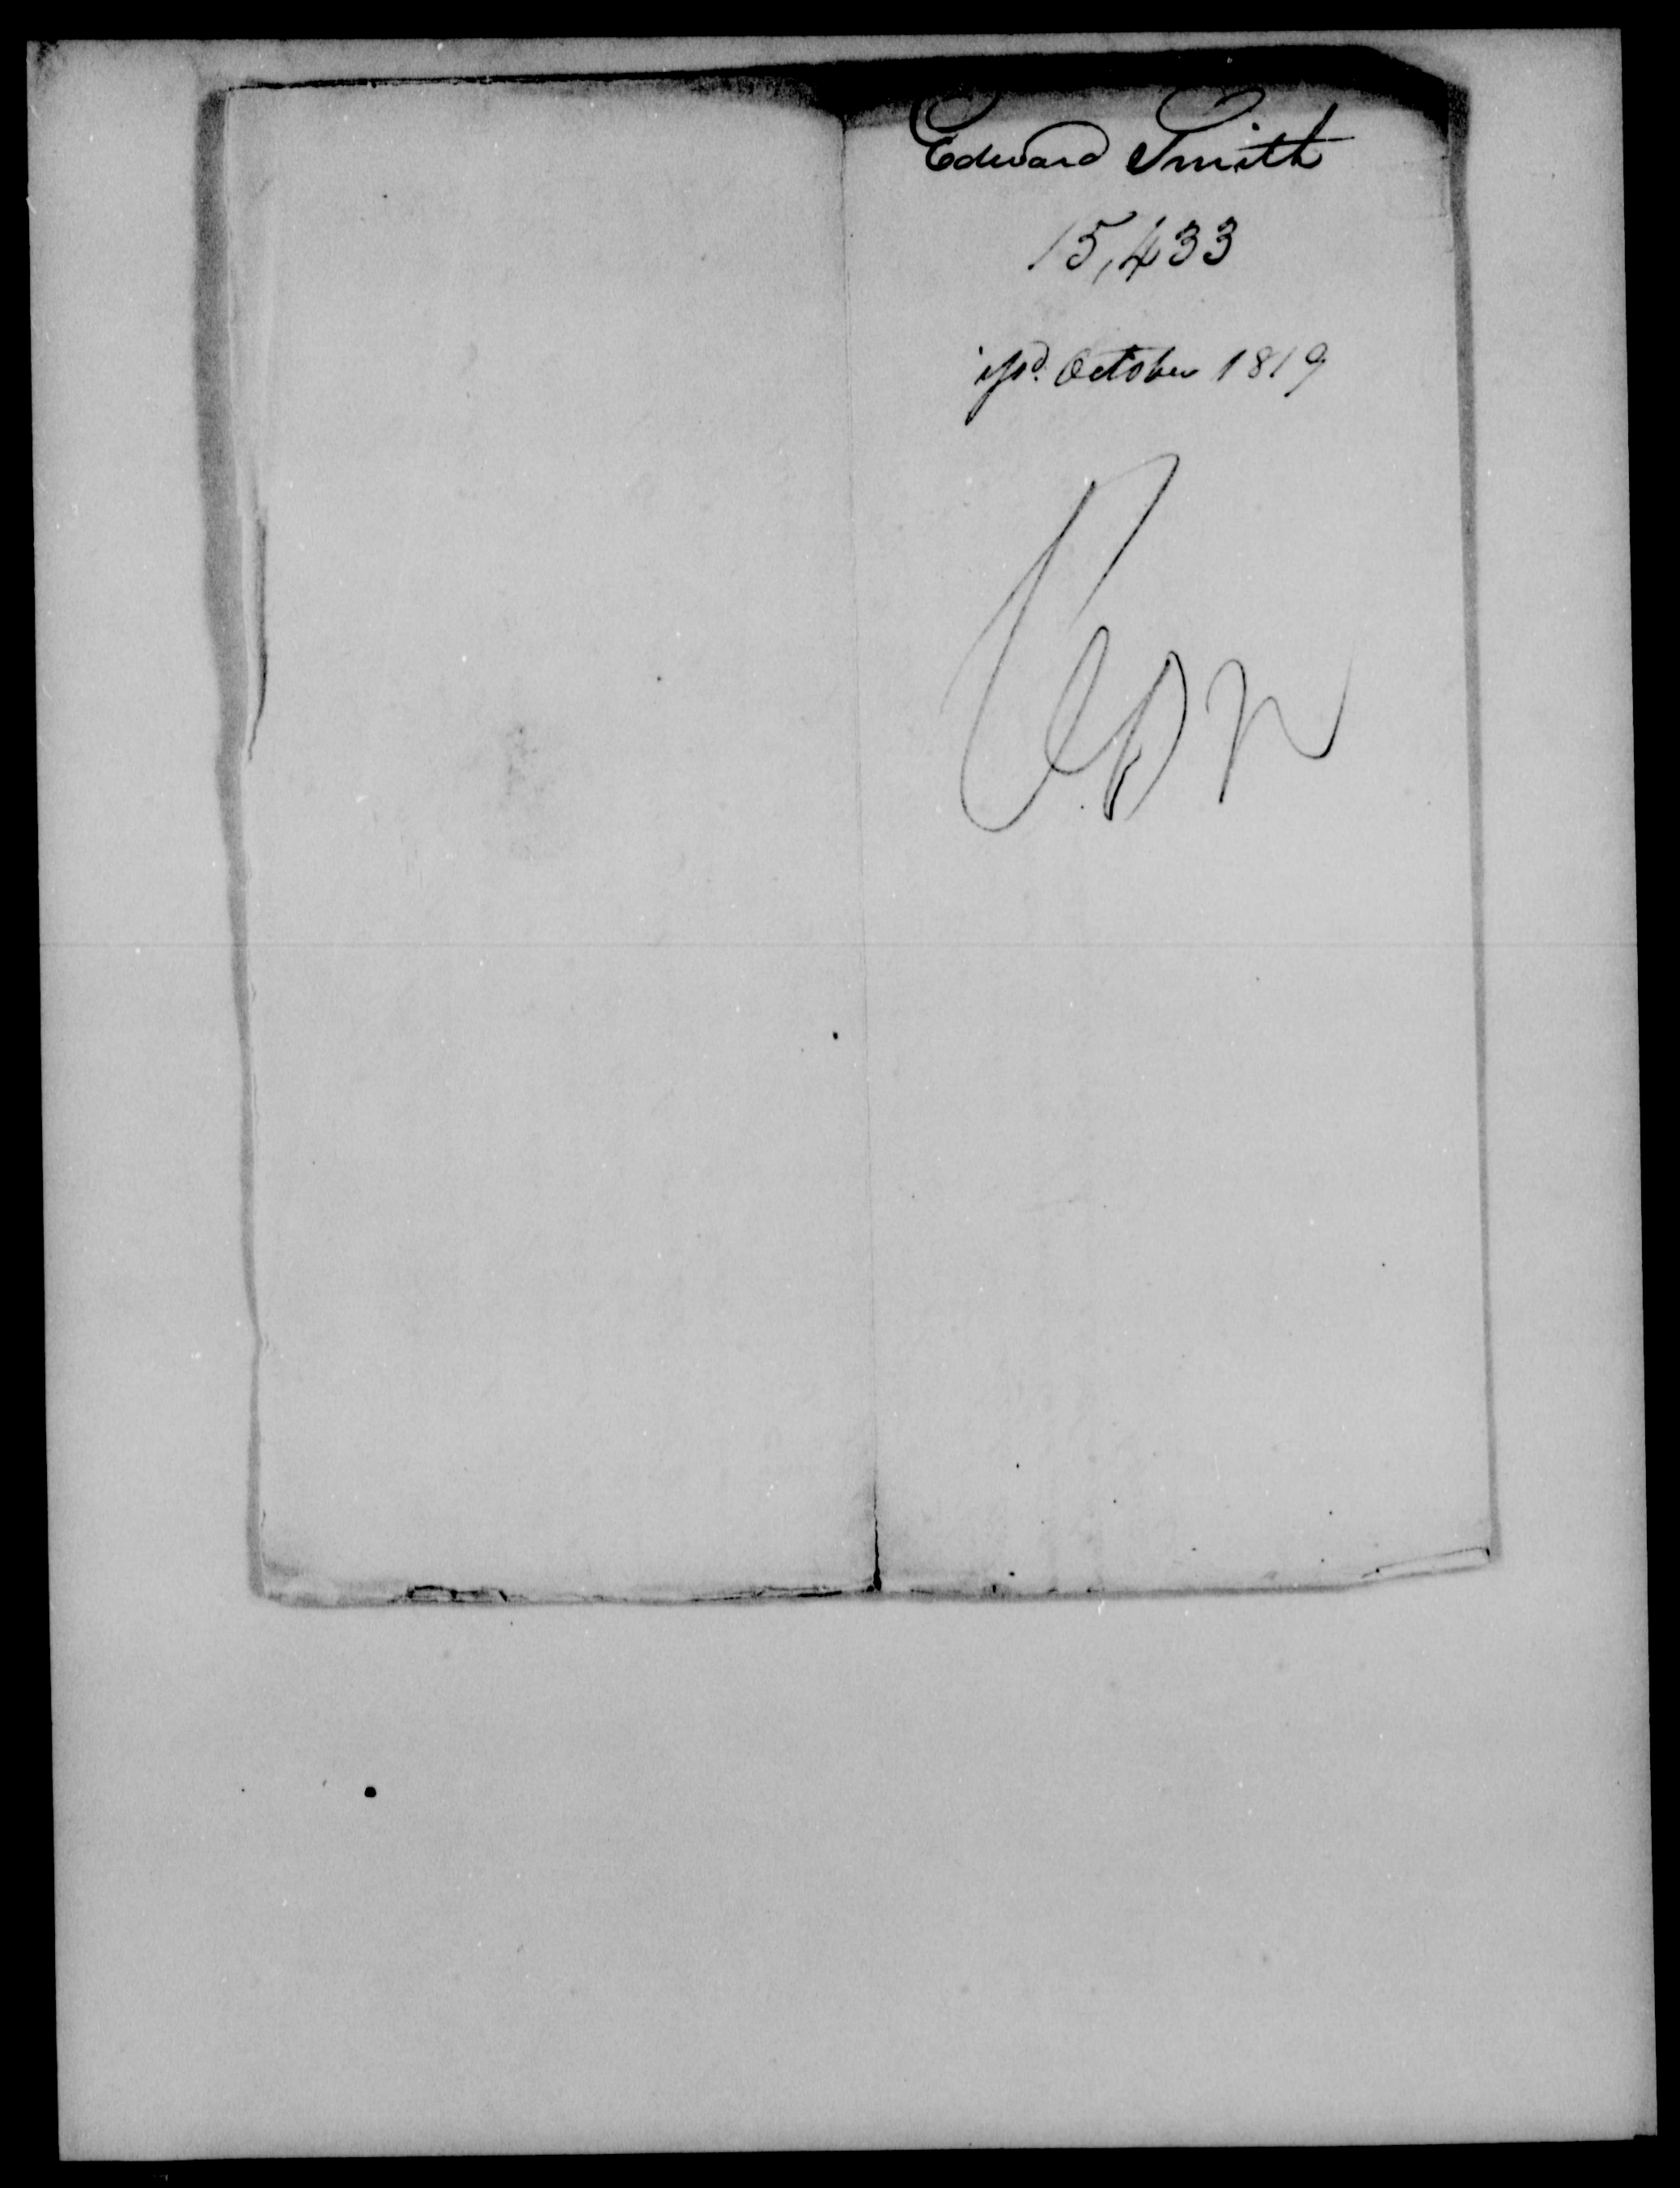Edward Smith
15.433
issd. October 1819

Penn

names: Edward Smith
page: 7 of 20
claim: survivor's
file: S 40454, for Edward Smith, Pennsylvania